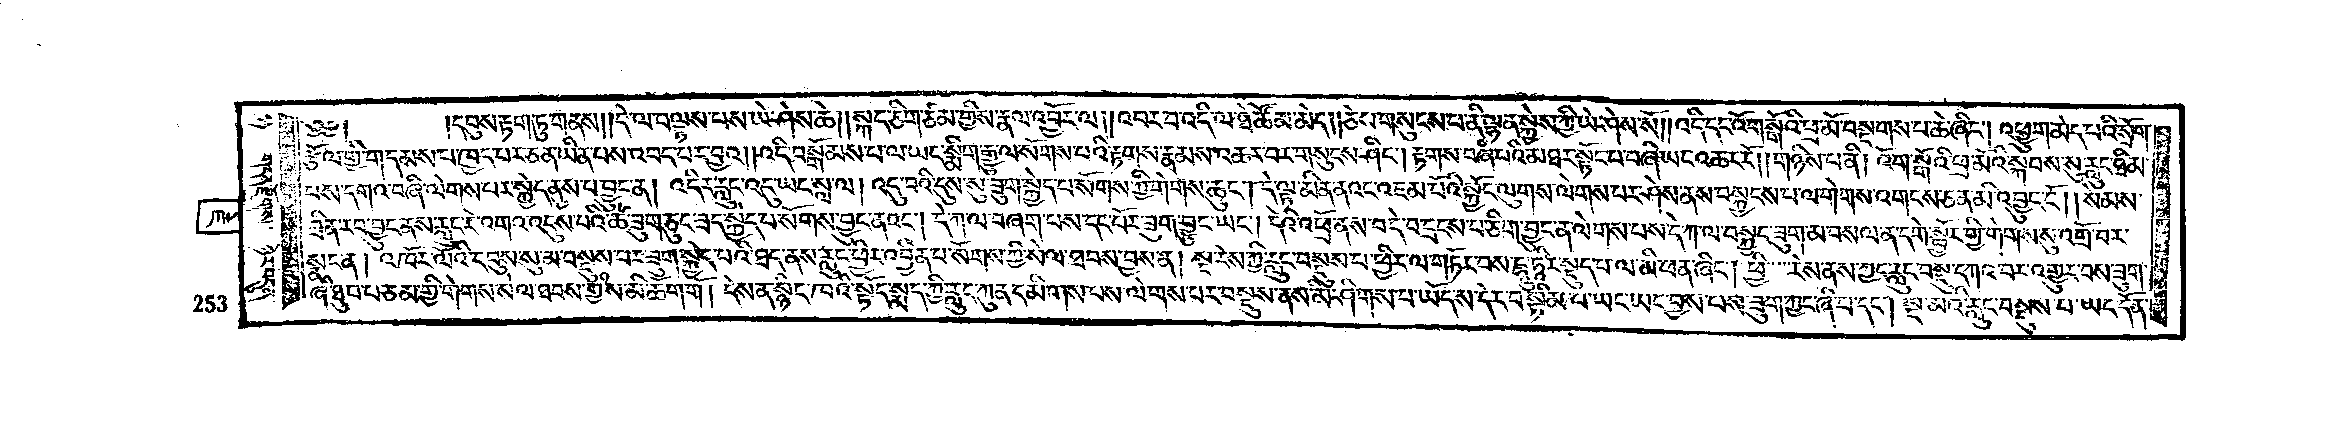༄༅། །དབུས་རྟག་ཏུ་གནས། །དེ་ལ་བལྟས་པས་ཡེ་ཤེས་ཆེ། །སྐད་ཅིག་ཙམ་གྱིས་རྣལ་འབྱོར་ལ། །འབར་བ་འདི་ལ་ཐེ་ཚོམ་མེད། །ཅེས་གསུངས་པ་ནི་ལྷན་སྐྱེས་ཀྱི་ཡེ་ཤེས་སོ། །འདི་དང་འོག་སྒོའི་ཕྲ་མོ་བསྔགས་པ་ཆེ་ཞིང་། འཕྱུག་མེད་པའི་སྲོག་
རྩོལ་གྱི་གདམས་པ་ཁྱད་པར་ཅན་ཡིན་པས་འབད་པར་བྱའོ། །འདི་བསྒོམས་པ་ལ་ཡང་སྨིག་རྒྱུ་ལ་སོགས་པའི་རྟགས་རྣམས་འཆར་བར་གསུངས་ཤིང་། རྟགས་བཞི་པའི་མཐར་སྟོང་པ་བཞི་ཡང་འཆར་རོ། །གཉིས་པ་ནི། འོག་སྒོའི་ཕྲ་མོའི་སྐབས་སུ་རླུང་ཐིམ་
པས་དགའ་བཞི་ལེགས་པར་སྐྱེད་ནུས་པ་བྱུང་ན། འདིར་རླུང་འདུ་ཡང་སླ་ལ། འདུ་བའི་དུས་སུ་ཟུག་སྐྱེད་པ་སོགས་ཀྱི་གེགས་ཆུང་། དེ་ལྟ་མིན་ནའང་འཇམ་པོའི་སྐྱོང་ལུགས་ལེགས་པར་ཤེས་ནས་བསྐྱངས་པ་ལ་གེགས་འགངས་ཅན་མི་འབྱུང་ངོ། །སེམས་
ཟིན་རབ་བྱུང་ནས་རླུང་རེ་འགའ་འདུས་པའི་ཚེ་ཟུག་ཅུང་ཟད་སྐྱེད་པ་སོགས་བྱུང་ནའང་། དེ་ཀ་ལ་བཞག་པས་དང་པོར་ཟུག་བྱུང་ཡང་། དེའི་འཕྲོ་ནས་བདེ་བ་དྲངས་པ་ཅིག་བྱུང་ན་ལེགས་པས་དེ་ཀ་ལ་བསྐྱང་ཟུག་མ་བསལ་ན་དགེ་སྦྱོར་གྱི་གེགས་སུ་འགྲོ་བར་
སྣང་ན། འཁོར་ལོའི་དབུས་སུ་མ་བསྡུས་པར་ཟུག་སྐྱེད་པའི་ཐད་ནས་རླུང་ཕྱིར་འབྱིན་པ་སོགས་ཀྱི་སེལ་ཐབས་བྱས་ན། སྔ་རེས་ཀྱི་རླུང་བསྡུས་པ་ཕྱིར་ལ་གཏོར་བས་དྷཱུ་ཏཱིར་སྡུད་པ་ལ་མི་ཕན་ཞིང་། ཕྱི་རེས་ནས་ཀྱང་རླུང་བསྡུ་དཀའ་བར་འགྱུར་བས་ཟུག་
ཞི་ཐུབ་པ་ཙམ་གྱི་གེགས་སེལ་ཐབས་ཀྱིས་མི་ཆོག་གོ །དེས་ན་སྙིང་ཁའི་སྟོད་སྨད་ཀྱི་རླུང་ཀུན་དམིགས་པས་ལེགས་པར་བསྡུས་ནས་མི་ཤིགས་པ་ཡོད་ས་དེར་བསྟིམ་པ་ཡང་ཡང་བྱས་པས་ཟུག་ཀྱང་ཞི་བ་དང་། སྔ་མའི་རླུང་བསྡུས་པ་ཡང་དོན་